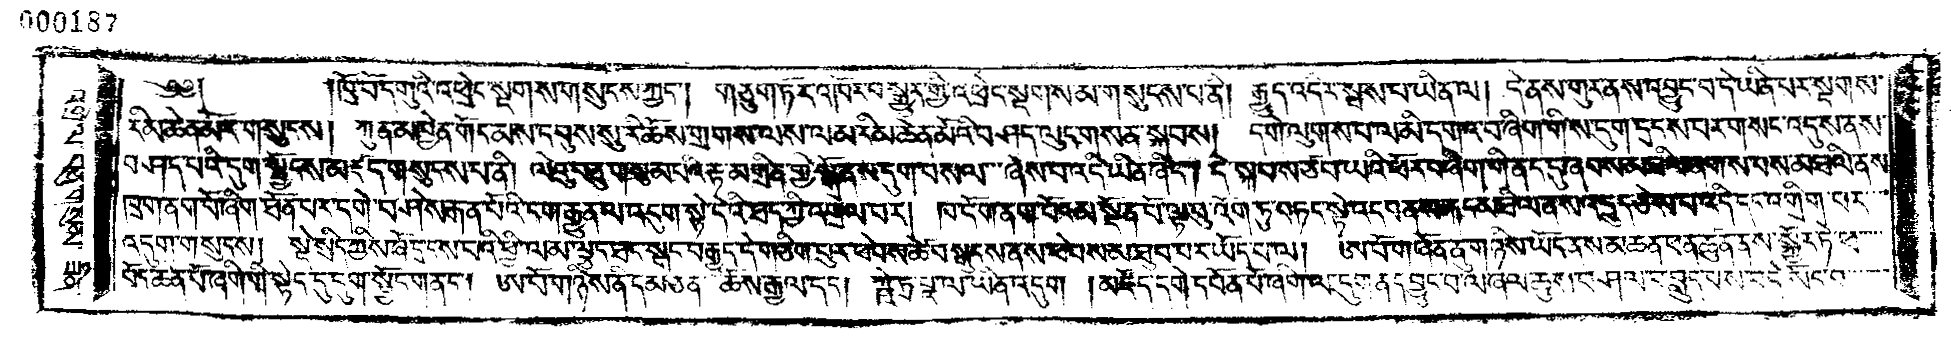༄༅། །ཁྲོ་བོ་དགུའི་འཕྲེང་སྔགས་གསུངས་ཀྱང་། གཙུག་ཏོར་འཁོར་བསྒྱུར་གྱི་འཕྲེང་སྔགས་མ་གསུངས་པ་ནི། རྒྱུད་འདིར་སྦས་པ་ཡིན་ལ། དེ་ནས་གུར་ནས་འབྱུང་བ་དེ་ཡིན་པར་སྔགས་
རིམ་ཆེན་མོར་གསུངས། ཀུན་མཁྱེན་གོང་མས་དབུས་སུ་རི་ཆོས་གྲགས་ལས་ལམ་རིམ་ཆེན་མོའི་བཤད་ལུང་གསན་སྐབས། དགེ་ལུགས་པ་ལ་མི་དགའ་བ་ཞིག་གིས་དུག་དྲངས་པར་གསང་འདུས་ནས་
བཤད་པའི་དུག་སྦྱོངས་མཛད་གསུངས་པ་ནི། ལེའུ་བཅུ་གསུམ་པའི་རྟ་མགྲིན་གྱི་སྒོ་ནས་?་དུག་བསལ་ཞེས་པ་འདི་ཡིན་ཞིང་། དེ་སྐབས་ཙབ་ཡའི་ཕོར་བ་ཞིག་གི་ནང་དུ་ཞབས་མཐིལ་ཞགས་པས་མཐིལ་ནས་
ཁྲག་ནག་པོ་ཞིག་ཐོན་པར་དགེ་བཤེས་རྒན་པོའི་ངག་རྒྱུན་ལ་འདུག་སྟེ་དེའི་ཐད་ཀྱི་འགྲེལ་བར། ཁ་དོག་ནག་པོའམ་སྔོན་པོ་ལྟ་བུ་འོག་ཏུ་བཏང་སྟེ་འདབ་ནས་རྐང་མཐིལ་ནས་འདྲུད་ཅེས་པ་འདི་དང་འགྲིག་པར་
འདུག་གསུངས། སྡེ་སྲིད་ཀྱིས་ཞོ་དྲངས་པའི་ཕྱི་ལམ་ལྕང་ཐང་སྒང་བརྒྱུད་དེ་གཅིག་པུར་ཕེབས་ཚེ་བསྒུངས་ནས་ཕེབས་མ་ཐུབ་པར་ཡོད་པ་ལ། ཨ་བོ་གཞོན་ནུ་གཉིས་ཡོང་ནས་མཆན་ཕན་ཚུན་ནས་སྐྱོར་ཏེ་ཕ་
བོད་ཆེན་པོ་ཞིག་གི་སྟེང་དུ་དུག་སྦྱོང་གནང་། ཨ་བོ་གཉིས་ནི་དམ་ཅན་ཆོས་རྒྱལ་དང་། ཀྵེ་ཏྲ་པཱ་ལ་ཡིན་འདུག །མཛོད་དགེ་དཔོན་པོ་ཞིག་ལ་དུག་ནད་བྱུང་བ་ལ་ཞལ་ཆུས་བཤལ་བ་བླུད་པས་བདེ་སོང་བ་